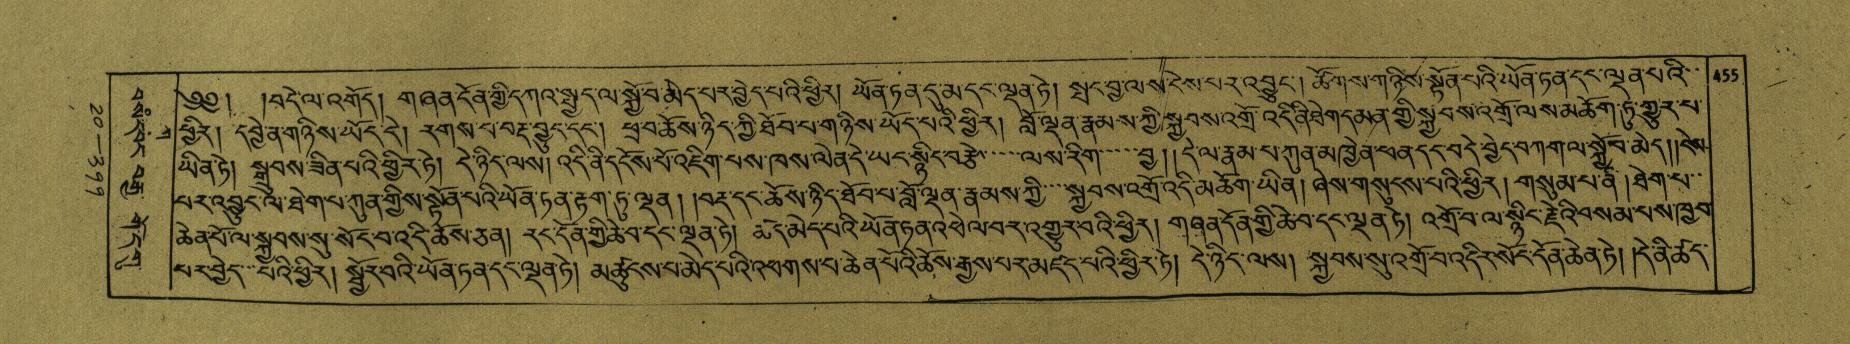༄༅། །བདེ་ལ་འགོད། གཞན་དོན་གྱི་དཀའ་སྤྱད་ལ་སྐྱོ་བ་མེད་པར་བྱེད་པའི་ཕྱིར། ཡོན་ཏན་དུ་མ་དང་ལྡན་ཏེ། སྤང་བྱ་ལས་ངེས་པར་འབྱུང་། ཚོགས་གཉིས་སྟོན་པའི་ཡོན་ཏན་དང་ལྡན་པའི་
ཕྱིར། དབྱེ་ན་གཉིས་ཡོད་དེ། རགས་པ་བརྡ་བྱུང་དང་། ཕྲ་བ་ཆོས་ཉིད་ཀྱི་ཐོབ་པ་གཉིས་ཡོད་པའི་ཕྱིར། བློ་ལྡན་རྣམས་ཀྱི་སྐྱབས་འགྲོ་འདི་ནི་ཐེག་དམན་གྱི་སྐྱབས་འགྲོ་ལས་མཆོག་ཏུ་གྱུར་པ་
ཡིན་ཏེ། སྒྲུབས་ཟིན་པའི་ཕྱིར་ཏེ། དེ་ཉིད་ལས། འདི་ནི་དངོས་པོ་འཇིག་པས་ཁས་ལེན་དེ་ཡང་སྙིང་བརྩེ་ལས་རིག་བྱ། །དེ་ལ་རྣམ་པ་ཀུན་མཁྱེན་ཕན་དང་བདེ་བྱེད་བཀག་ལ་སྐྱོབ་མེད། །ངེས་
པར་འབྱུང་ལ་ཐེག་པ་ཀུན་གྱིས་སྟོན་པའི་ཡོན་ཏན་རྟག་ཏུ་ལྡན། །བརྡ་དང་ཆོས་ཉིད་ཐོབ་པ་བློ་ལྡན་རྣམས་ཀྱི་སྐྱབས་འགྲོ་འདི་མཆོག་ཡིན། ཞེས་གསུངས་པའི་ཕྱིར། གསུམ་པ་ནི། ཐེག་པ་
ཆེན་པོ་ལ་སྐྱབས་སུ་སོང་བ་འདི་ཆོས་ཅན། རང་དོན་གྱི་ཆེ་བ་དང་ལྡན་ཏེ། ཚད་མེད་པའི་ཡོན་ཏན་འཕེལ་བར་འགྱུར་བའི་ཕྱིར། གཞན་དོན་གྱི་ཆེ་བ་དང་ལྡན་ཏེ། འགྲོ་བ་ལ་སྙིང་རྗེའི་བསམ་པས་ཁྱབ་
པར་བྱེད་པའི་ཕྱིར། སྦྱོར་བའི་ཡོན་ཏན་དང་ལྡན་ཏེ། མཚུངས་པ་མེད་པའི་འཕགས་པ་ཆེན་པོའི་ཆོས་རྒྱས་པར་མཛད་པའི་ཕྱིར་ཏེ། དེ་ཉིད་ལས། སྐྱབས་སུ་འགྲོ་བ་འདིར་སོང་དོན་ཆེན་ཏེ། །དེ་ནི་ཚད་